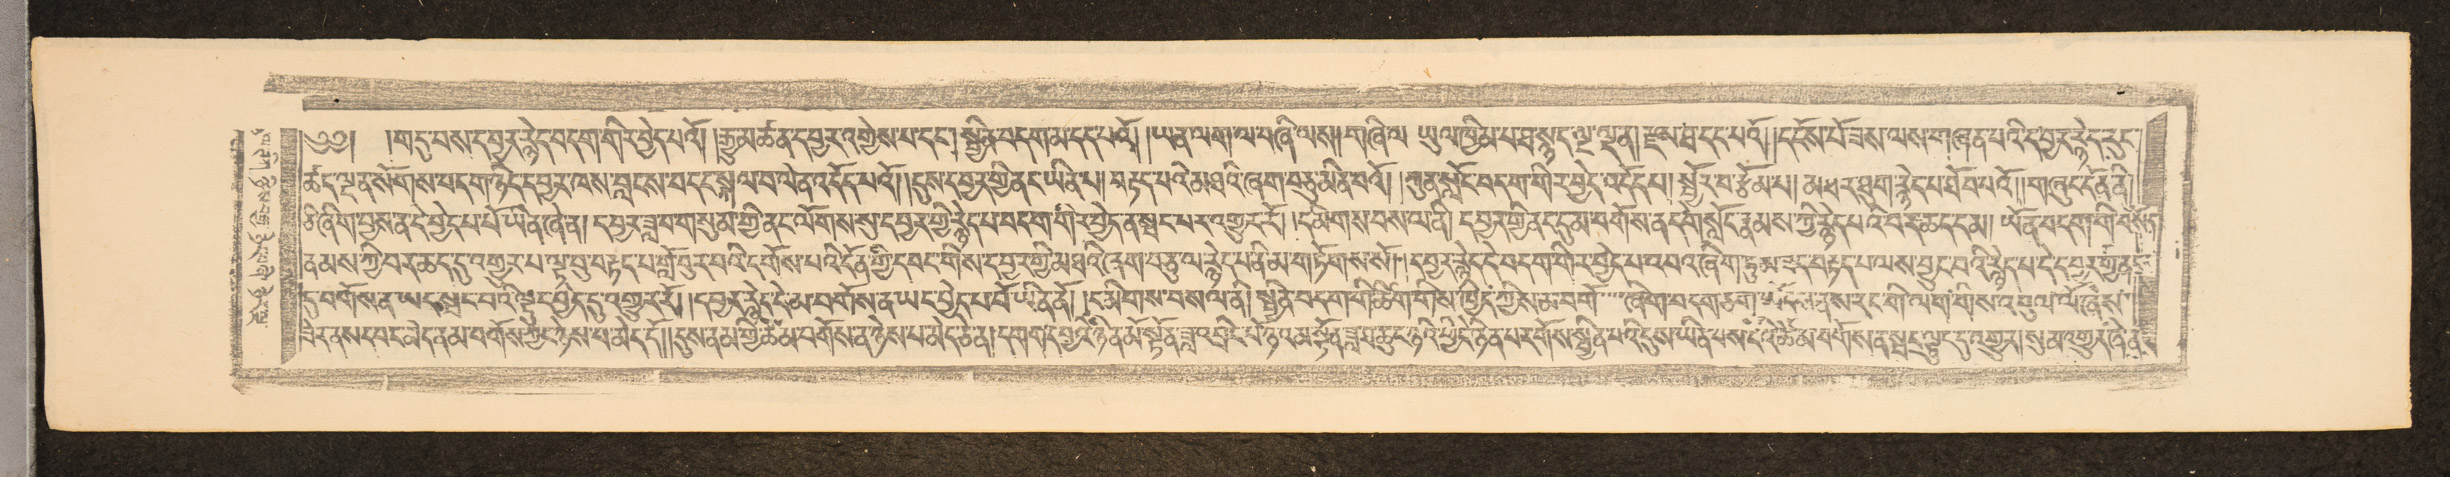༄༅། །འདུ་བས་དབྱར་རྙེད་བདག་གིར་བྱེད་པའོ། །རྒྱུ་མཚན་དབྱར་འགྱེས་པ་དང་། སྦྱིན་བདག་མ་དད་པའོ། །ཡན་ལག་ལ་བཞི་ལས། གཞི་ལ། ཡུལ་ཁྱིམ་པ་ཐ་སྙད་ལྔ་ལྡན། རྫས་ཐ་དད་པའོ། །དངོས་པོ་ཟས་ལས་གཞན་པའི་དབྱར་རྙེད་རུང་
ཚད་ལྔན་སོགས་བདག་ཉིད་དབྱར་ཁས་བླངས་པ་དང་སྐལ་བ་ལེན་འདོད་པའོ། །དུས་དབྱར་གྱི་ནང་ཡིན་པ། བརྟད་པའི་མཐའི་ཞག་བཅུ་མིན་བའོ། །ཀུན་སློང་བདག་གིར་བྱེད་འདོད་པ། སྦྱོར་བརྩོམ་པ། མཐར་ཐུག་རྙེད་པ་ཐོབ་པའོ། །གཞུང་དོན་ནི།
ཅི་ཞིག་བྱས་ན་དེ་བྱེད་པ་པོ་ཡིན་ཞེ་ན། དབྱར་ཟླ་བ་གསུམ་གྱི་ནང་ལོགས་སུ་དབྱར་གྱི་རྙེད་པ་བདག་གིར་བྱེད་ན་སྦང་བར་འགྱུར་རོ། །དམིགས་བསལ་ནི། དབྱར་གྱི་ནང་དུ་མ་བགོས་ན་དགེ་སློང་རྣམས་ཀྱི་རྙེད་པའི་བར་ཆད་དམ། ཡོན་བདག་གི་བསོ་
ནམས་ཀྱི་བར་ཆད་དུ་འགྱུར་བ་ལྟ་བུ་བརྟད་བ་གློ་བུར་བའི་དགོས་པའི་དོན་གྱི་དབང་གིས་དབྱར་གྱི་མཐའི་ཞག་བཅུ་ལ་རྙེད་པ་ནི་མ་གཏོགས་སོ། །དབྱར་རྙེད་དེ་བདག་གིར་བྱེད་པ་འབའ་ཞིག་ཏུ་མ་ཟད་བརྟད་པ་ལས་བྱུང་བའི་རྙེད་པ་དེ་དབྱར་གྱི་ནང་
ཏུ་བགོས་ན་ཡང་སྤང་བའི་ལྟུང་བྱེད་དུ་འགྱུར་རོ། །དབྱར་རྙེད་དེ་མ་བགོས་ན་ཡང་བྱེད་པ་པོ་ཡིན་ནོ། །དམིགས་བསལ་ནི། སྦྱིན་བདག་གི་ཚིག་གིས་ཁྱེད་ཀྱིས་མ་བགོ་ཞིག་བདག་ཅག་ཡོངས་ནས་རང་གི་ལག་གིས་འབུལ་ལོ་ཞེས་
ཟེར་ནས་དབང་མེད་ན་མ་བགོས་ཀྱང་ཉེས་པ་མེད་དོ། །དུས་ནམ་གྱི་ཚེ་མ་བགོས་ན་ཉེས་བ་མེད་ཅེན། དགག་དབྱེའི་ཉིན་མོ་སྟོན་ཟླ་འབྲིང་པོ་ཉ་འམ་སྟོན་ཟླ་ཐ་ཆུང་ཉའི་ཕྱི་དེ་ཉིན་པར་གོས་སྦྱིན་བའི་དུས་ཡིན་པས་དེའི་ཚེ་མ་བགོས་ན་སྤང་ལྟུང་དུ་འགྱུར། སུ་ལ་འགྱུར་ཞེན་